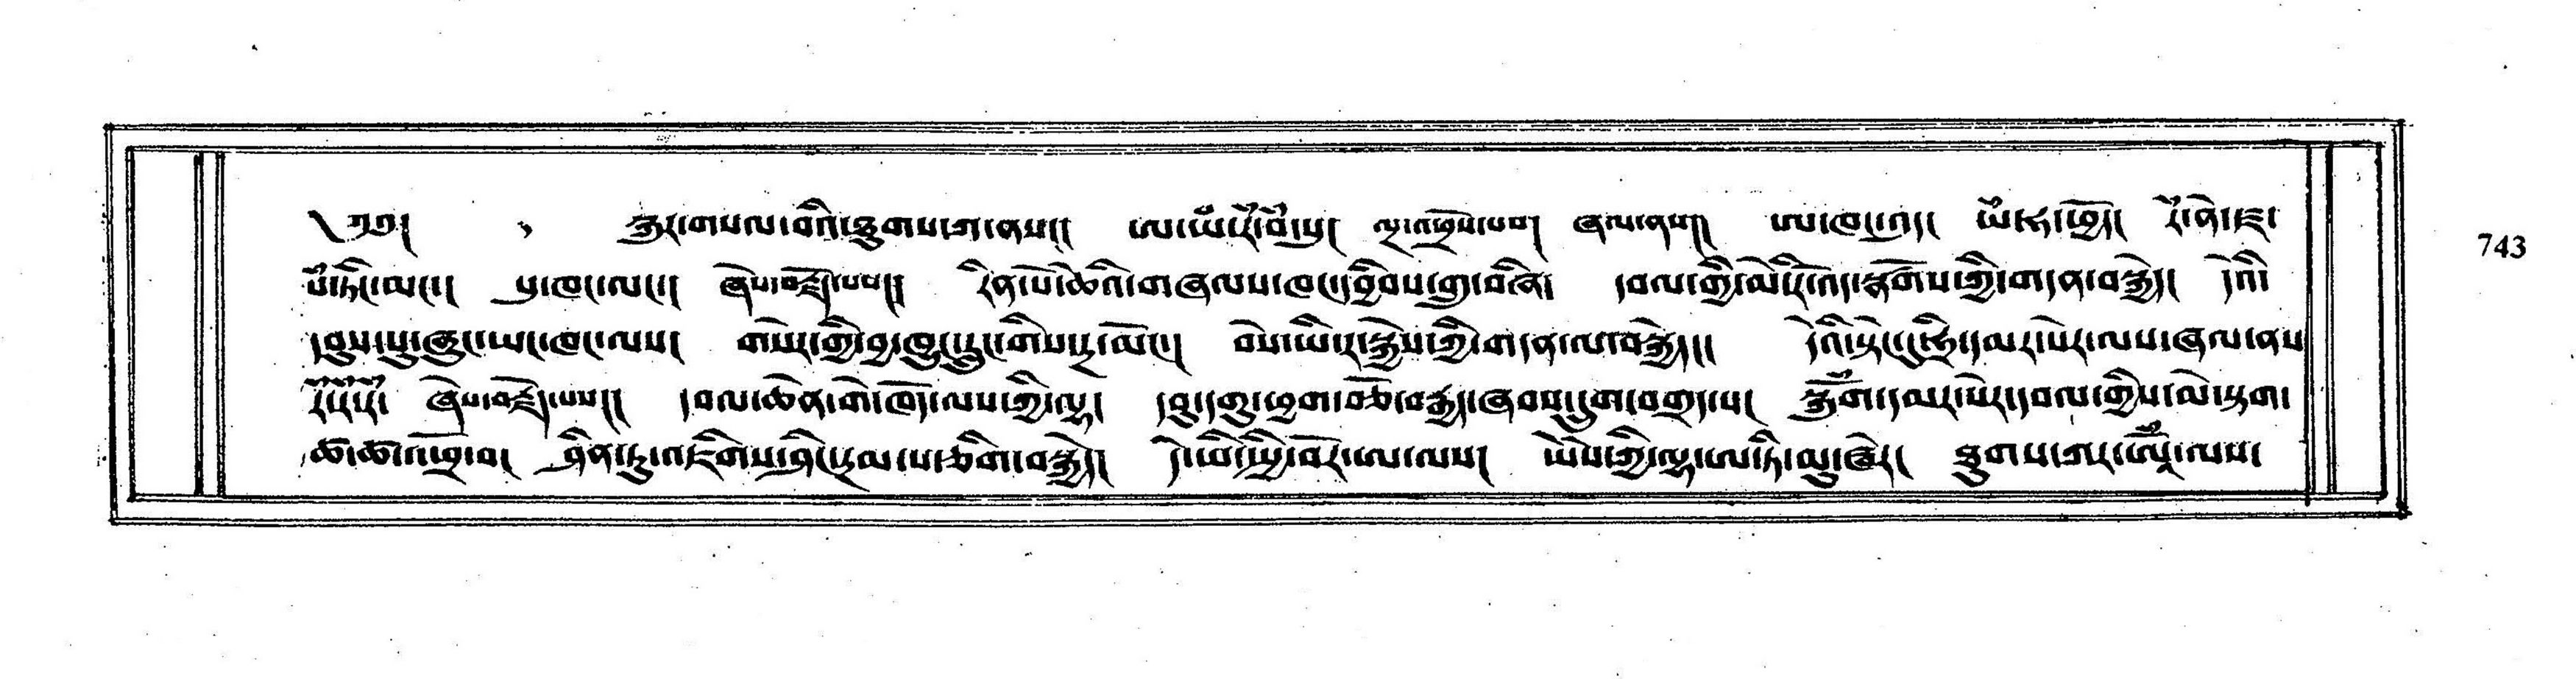སྐུར་གསལ་བའི་ཐུགས་ཀ་ནས།། ཨ་ཡཾ་རཾ་བཾ་པུ། ལྔ་འཕྲོས་པས། ཞལ་ནས།། ཨ་ཁང་འདུ། ཡཾ་ཧ་ཕྱོད།། རཾ་ནེ་ཛ་
པཾ་ཏིང་མང་། པུ་ཁང་ལང་། ཞེས་བརྗོད་པས།། རིན་པོ་ཆེའི་གཞལ་ཡས་ཁང་དབྱིབས་གྲུ་བཞི། དབལ་གྱི་མེ་རི་འོད་སྣ་ཚོགས་ཀྱི་གདན་བསྐྱེད། དེའི་
དབུས་སུ་ཞུང་ཡང་ཁང་ལས། གསེར་གྱི་བྱ་ཁྱུང་རླུང་གིས་རྔ་མོང་། བསེ་ཡི་ར་སྐྱེས་ཀྱི་གདན་ལ་བསྐྱེད།། དེའི་སྟེང་དུ་ཧྲི་དམར་སེར་ལས་ཞལ་ནས་
རཾ་རཾ་རཾ་ཞེས་བརྗོད་པས།། དབལ་ཆེན་གེ་ཁོད་ལས་ཀྱི་ལྷ། དབུ་དགུ་ཕྱག་བཅོ་བརྒྱད་ཞབས་དྲུག་བགྲད་པ། སྐུ་མདོག་དམར་སེར་དབལ་གྱིས་མེ་སྟག་
ཚ་ཚ་འཕྲོ་བ། ཤིན་ཏུ་འཇིགས་ཤིང་རྔམ་པ་ཅིག་བསྐྱེད། དེ་ཡི་སྤྱི་བོར་ཨ་ལས། ཡེ་ཤེས་ཀྱི་ལྷ་ཨ་ཏི་མུ་ཝེར། ཐུགས་ཀར་ཨཱོཾ་ལས་